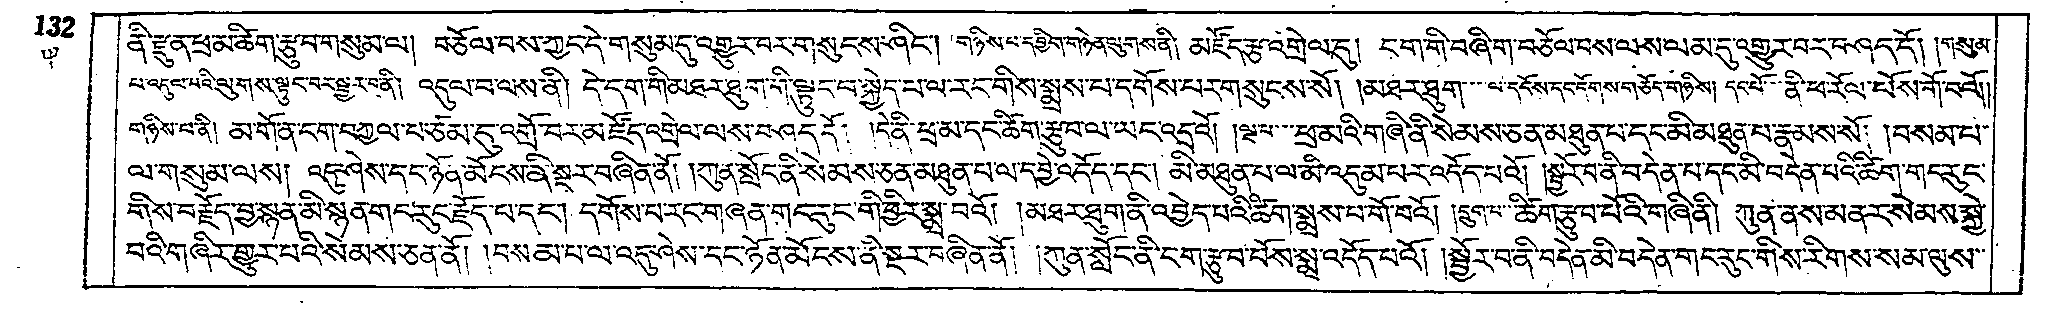ནི་རྫུན་ཕྲ་མ་ཚིག་རྩུབ་གསུམ་ལ། བཅོལ་བས་ཀྱང་དེ་གསུམ་དུ་འགྱུར་བར་གསུངས་ཤིང་། གཉིས་པ་དབྱིག་གཉེན་ལུགས་ནི།  མཛོད་རྫའ་འགྲེལ་དུ། ངག་གི་བཞི་ག་བཅོལ་བས་ལས་ལམ་དུ་འགྱུར་བར་བཤད་དོ། །གསུམ་
པ་འདུལ་པའི་ལུགས་ལྟུང་བར་སྦྱར་བ་ནི། འདུལ་བ་ལས་ནི། དེ་དག་གི་མཐར་ཐུག་གི་ལྟུང་བ་སྐྱེད་པ་ལ་རང་གིས་སྨྲས་པ་དགོས་པར་གསུངས་སོ། །མཐར་ཐུགླ་དངོས་དང་དོགས་གཅོད་གཉིས། དང་པོནི་ཕ་རོལ་པོས་གོ་བའོ། །
གཉིས་པ་ནི།  མ་གོ་ན་ངག་བཀྱལ་པ་ཙམ་དུ་འགྲོ་བར་མཛོད་འགྲེལ་ལས་བཤད་དོ། །དེ་ནི་ཕྲ་མ་དང་ཚིག་རྩུབ་ལ་ཡང་འདྲའོ། །ལྔ་པཕྲ་མོའི་གཞི་ནི་སེམས་ཅན་མཐུན་པ་དང་མི་མཐུན་པ་རྣམས་སོ། །བསམ་པ་
ལ་གསུམ་ལས། འདུ་ཤེས་དང་ཉོན་མོངས་ནི་སྔར་བཞིན་ནོ། །ཀུན་སློང་ནི་སེམས་ཅན་མཐུན་པ་ལ་དབྱེ་འདོད་དང་། མི་མཐུན་པ་ལ་མི་འདུམ་པར་འདོད་པའོ། །སྦྱོར་བ་ནི་བདེན་པ་དང་མི་བདེན་པའི་ཚིག་གང་རུང་
གིས་བརྗོད་བྱ་སྙན་མི་སྙན་གང་རུང་རྗོད་པ་དང་། དགོས་པ་རང་གཞན་གང་རུང་གི་ཕྱིར་སྨྲ་བའོ། །མཐར་ཐུག་ནི་འབྱེད་པའི་ཚིག་སྨྲས་པ་གོ་བའོ། །དྲུག་པཚིག་རྩུབ་པོའི་གཞི་ནི། ཀུན་ནས་མནར་སེམས་སྐྱེ་
བའི་གཞིར་གྱུར་པའི་སེམས་ཅན་ནོ། །བསམ་པ་ལ་འདུ་ཤེས་དང་ཉོན་མོངས་ནི་སྔར་བཞིན་ནོ། །ཀུན་སློང་ནི་ངག་རྩུབ་པོས་སྨྲ་འདོད་པའོ། །སྦྱོར་བ་ནི་བདེན་མི་བདེན་གང་རུང་གིས་རིགས་སམ་ལུས་